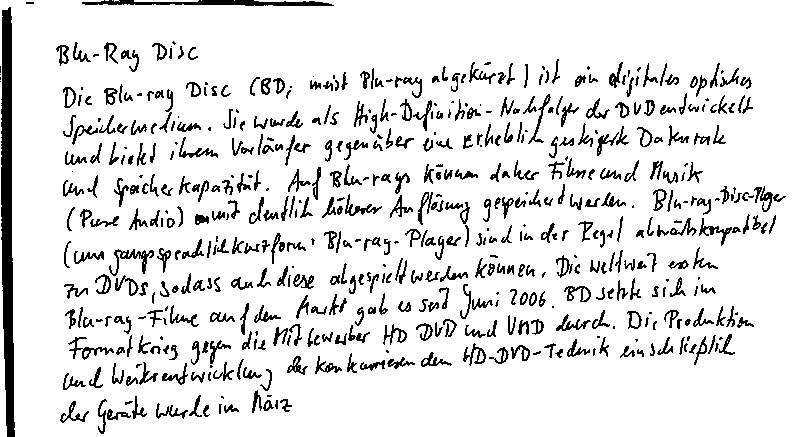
Blu-ray Disc
Die Blu-ray Disc (BD; meist Blu-ray abgekürzt) ist ein digitales optisches
Speichermedium. Sie wurde als High-Definition-Nachfolger der DVD entwickelt
und bietet ihrem Vorläufer gegenüber eine erheblich gesteigerte Datenrate
und Speicherkapazität. Auf Blu-rays können daher Filme und Musik
(Pure Audio) mit deutlich höherer Auflösung gespeichert werden. Blu-ray-Disc-Player
umgangssprachliche Kurzform: Blu-ray-Player) sind in der Regel abwärtskompatibel
zu DVDs, sodass auch diese abgespielt werden können. Die weltweit ersten
Blu-ray-Filme auf dem Markt gab es seit Juni 2006. BD setzte sich im
Formatkrieg gegen die Mitbewerber HD DVD und VMD durch. Die Produktion
und Weiterentwicklung der konkurrierenden HD-DVD-Technik einschließlich
der Geräte wurde im März
